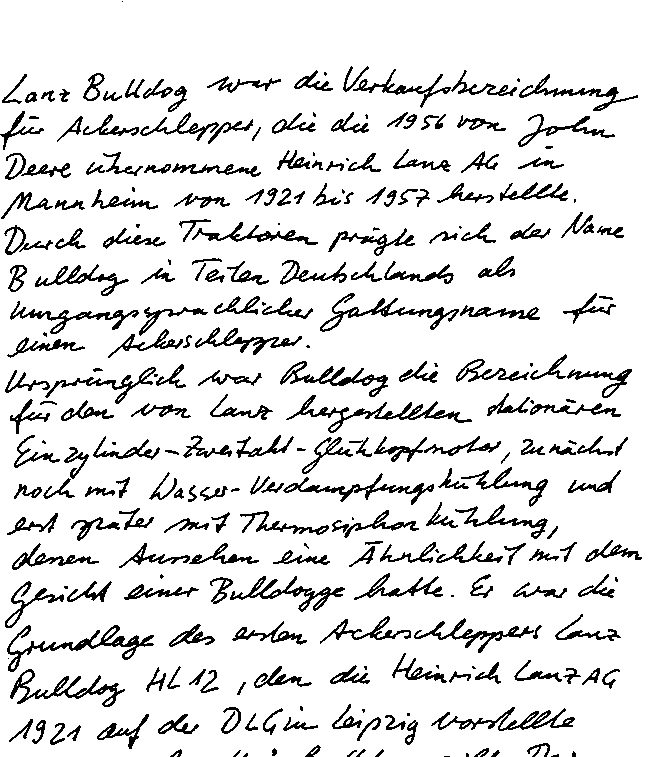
Lanz Bulldog war die Verkaufsbezeichnung
für Ackerschlepper, die die 1956 von John
Deere übernommene Heinrich Lanz AG in
Mannheim von 1921 bis 1957 herstellte.
Durch diese Traktoren prägte sich der Name
Bulldog in Teilen Deutschlands als
umgangssprachlicher Gattungsname für
einen Ackerschlepper.
Ursprünglich war Bulldog die Bezeichnung
für den von Lanz hergestellten stationären
Einzylinder-Zweitakt-Glühkopfmotor, zunächst
noch mit Wasser-Verdampfungskühlung und
erst später mit Thermosiphonkühlung,
dessen Aussehen eine. Ähnlichkeit mit dem
Gesicht einer Bulldogge hatte. Er war die
Grundlage des ersten Ackerschleppers Lanz
Bulldog HL12, den die Heinrich Lanz AG
1921 auf der DLG in Leipzig vorstellte
